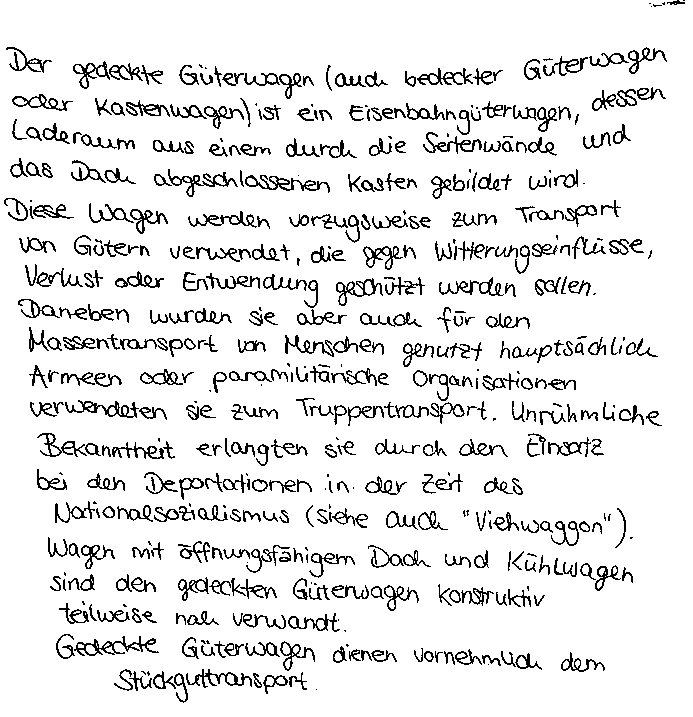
Der gedeckte Güterwagen (auch bedeckter Güterwagen
oder Kastenwagen) ist ein Eisenbahngüterwagen, dessen
Laderaum aus einem durch die Seitenwände und
das Dach abgeschlossenen Kasten gebildet wird
Diese Wagen werden vorzugsweise zum Transport
von Gütern verwendet, die gegen Witterungseinflüsse,
Verlust oder Entwendung geschützt werden sollen.
Daneben wurden sie aber auch für den
Massentransport von Menschen genutzt hauptsächlich
Armeen oder paramilitärische Organisationen
verwendeten sie zum Truppentransport. Unrühmliche
Bekanntheit erlangten sie durch den Einsatz
bei den Deportationen in der Zeit des
Nationalsozialismus (siehe auch "Viehwaggon").
Wagen mit öffnungsfähigem Dach und Kühlwagen
sind den gedeckten Güterwagen konstruktiv
teilweise nah verwandt.
Gedeckte Güterwagen dienen vornehmlich dem
Stückguttransport
